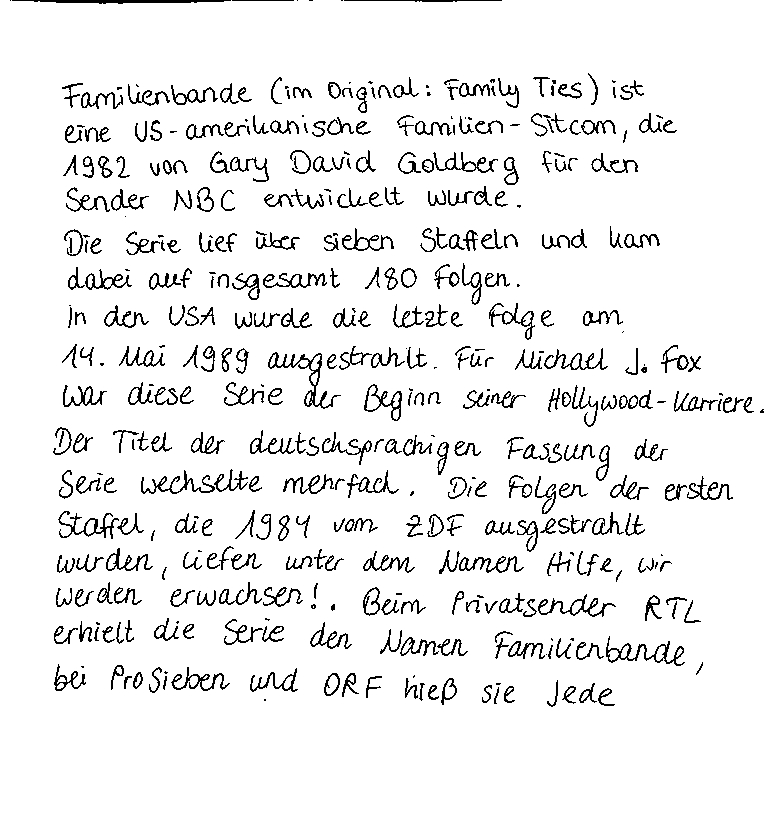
Familienbande (im Original: Family Ties) ist
eine US-amerikanische Familien-Sitcom, die
1982 von Gary David Goldberg für den
Sender NBC entwickelt wurde.
Die Serie lief über sieben Staffeln und kam
dabei auf insgesamt 180 Folgen.
In den USA wurde die letzte Folge am
14. Mai 1989 ausgestrahlt. Für Michael J. Fox
war diese Serie der Beginn seiner Hollywood-Karriere.
Der Titel der deutschsprachigen Fassung der
Serie wechselte mehrfach. Die Folgen der ersten
Staffel, die 1984 vom ZDF ausgestrahlt
wurden, liefen unter dem Namen Hilfe, wir
werden erwachsen!. Beim Privatsender RTL
erhielt die Serie den Namen Familienbande,
bei ProSieben und ORF hieß sie Jede
